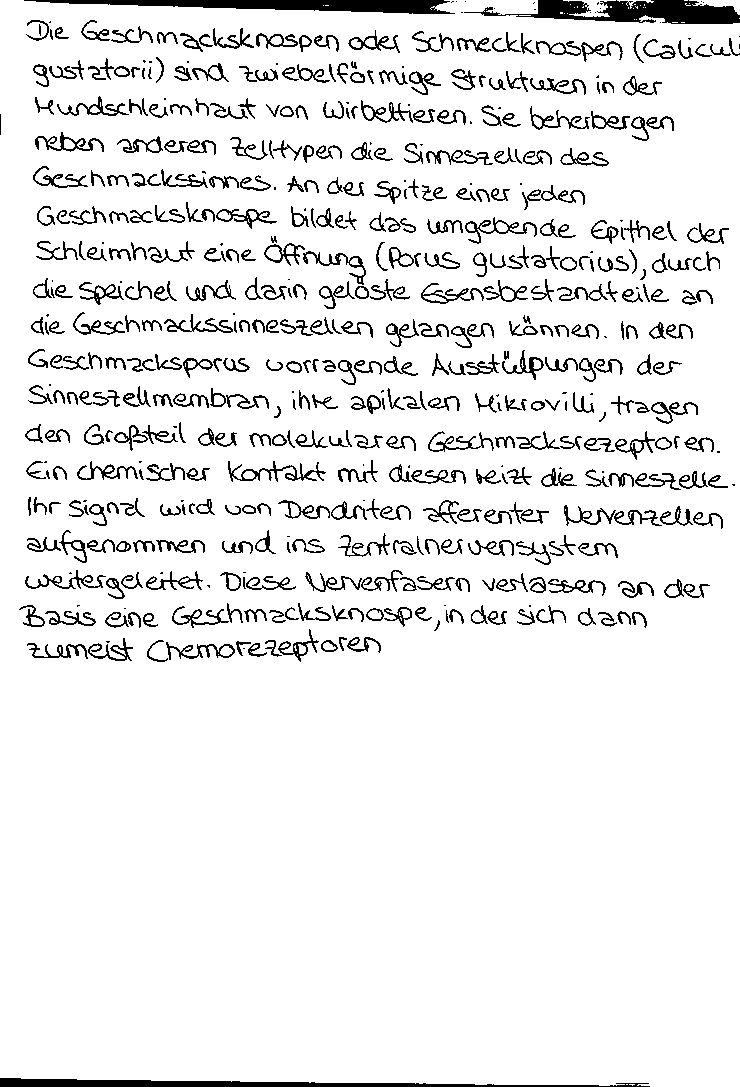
Die Geschmacksknospen oder Schmeckknospen (Caliculi
gustatorii) sind zwiebelförmige Strukturen in der
Mundschleimhaut von Wirbeltieren. Sie beherbergen
neben anderen Zelltypen die Sinneszellen des
Geschmackssinnes. An der Spitze einer jeden
Geschmacksknospe bildet das umgebende Epithel der
Schleimhaut eine Öffnung (Porus gustatorius), durch
die Speichel und und gelöste Essensbestandteile an
die Geschmackssinneszellen gelangen können. In den
Geschmacksporus vorragende Ausstülpungen der
Sinneszellmembran, ihre apikalen Mikrovilli, tragen
den Großteil der molekularen Geschmacksrezeptoren.
Ein chemischer Kontakt mit diesen reizt die Sinneszelle.
Ihr Signal wird von Dendriten afferenter Nervenzellen
aufgenommen und ins Zentralnervensystem
weitergeleitet. Diese Nervenfasern verlassen an der
Basis eine Geschmacksknospe, in der sich dann
zumeist Chemorezeptoren
